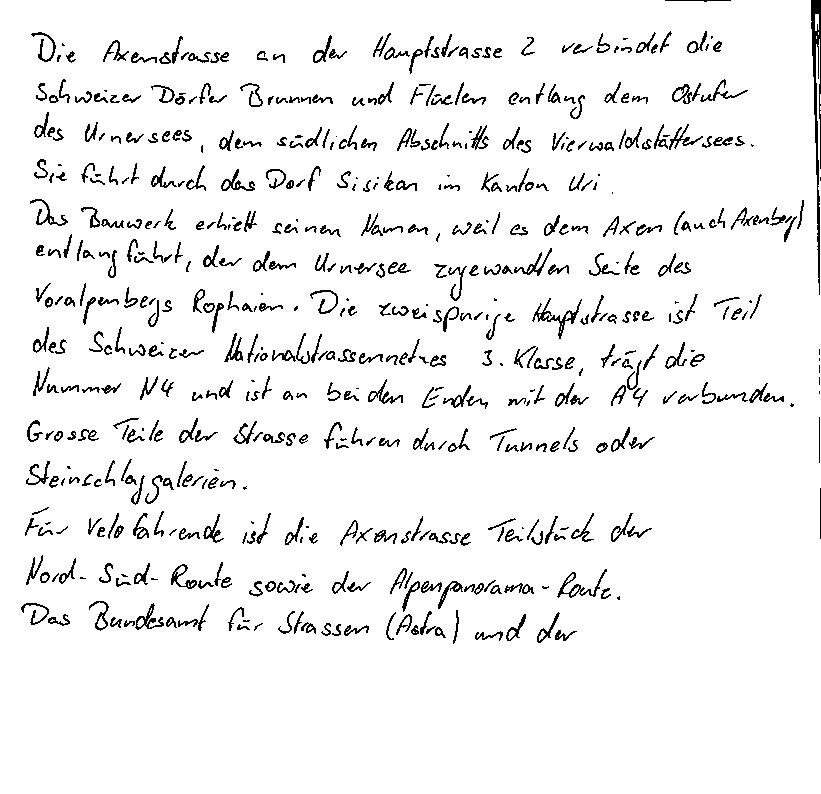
Die Axenstrasse an der Hauptstrasse 2 verbindet die
Schweizer Dörfer Brunnen und Flüelen entlang dem Ostufer
des Urnersees, dem südlichen Abschnitt des Vierwaldstättersees.
Sie führt durch das Dorf Sisikon im Kanton Uri
Das Bauwerk erhielt seinen Namen, weil es dem Axen (auch Axenberg)
entlangführt, der dem Urnersee zugewandten Seite des
Voralpenbergs Rophaien. Die zweispurige Hauptstrasse ist Teil
des Schweizer Nationalstrassennetzes 3. Klasse, trägt die
Nummer N4 und ist an beiden Enden mit der A4 verbunden.
Grosse Teile der Strasse führen durch Tunnels oder
Steinschlaggalerien.
Für Velofahrende ist die Axenstrasse Teilstück der
Nord-Süd-Route sowie der Alpenpanorama-Route.
Das Bundesamt für Strassen (Astra) und der
